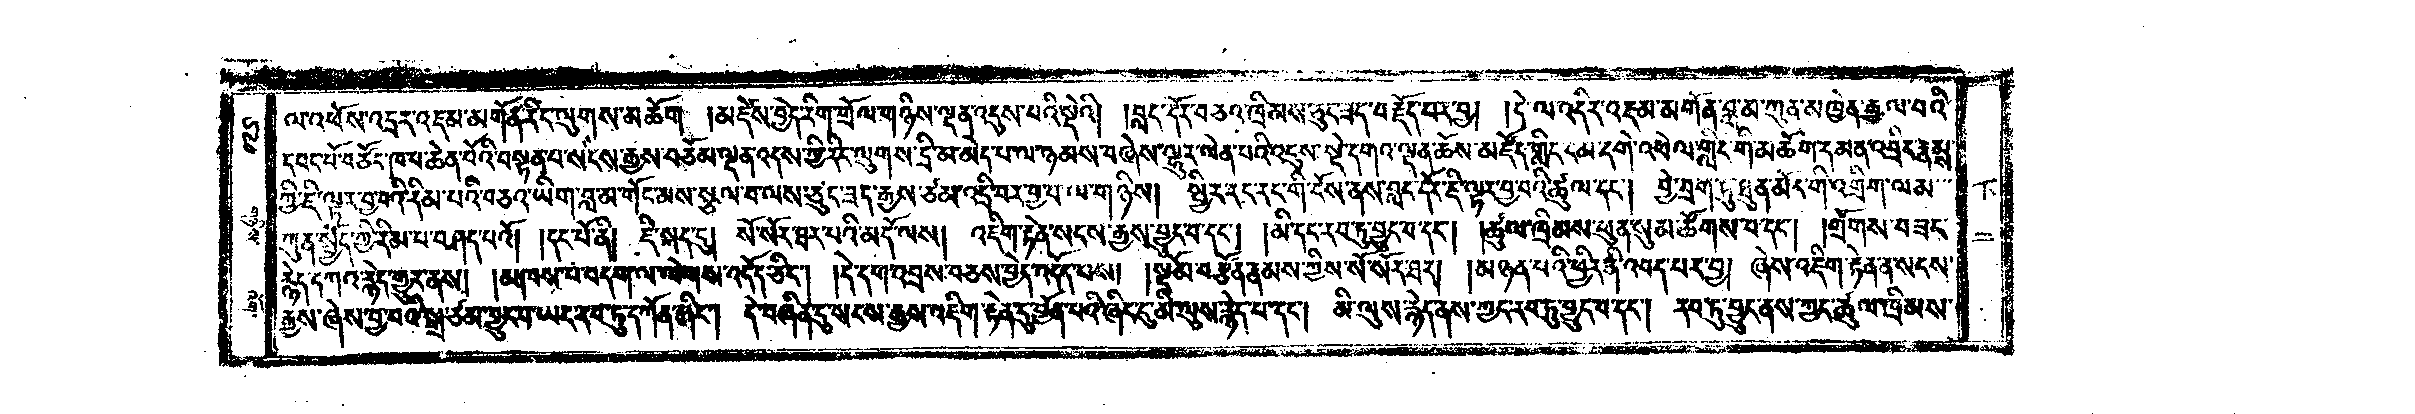ལ་འཕོས་འདྲར་འཇམ་མགོན་རིང་ལུགས་མཆོག །མཛེས་བྱེད་རིག་གྲོལ་གཉིས་ལྡན་འདུས་པའི་སྡེའི། །བླང་དོར་བཅའ་ཁྲིམས་ཅུང་ཟད་བརྗོད་པར་བྱ། །དེ་ལ་འདིར་འཇམ་མགོན་བླ་མ་ཀུན་མཁྱེན་རྒྱལ་བའི་
དབང་པོར་རྩོང་ཁ་པ་ཆེན་པོའི་བསྟན་པ་སངས་རྒྱས་བཅོམ་ལྡན་འདས་ཀྱི་རིང་ལུགས་དྲི་མ་མེད་པ་ལ་ཉམས་བཞེས་ལྷུར་ལེན་པའི་འདུས་སྡེ་དགའ་ལྡན་ཆོས་མཛོད་གླིང་དམ་དགེ་འཕེལ་གླིང་གི་མཆོག་དམན་འབྲིང་རྣམས་
ཀྱི་ཇི་ལྟར་བྱ་བའི་རིམ་པའི་བཅའ་ཡིག་བླ་མ་གོང་མས་སྩལ་བ་ལས་ཅུང་ཟད་རྒྱས་ཙམ་འདྲི་བར་བྱ་བ་ལ་གཉིས། སྤྱིར་རང་རང་གི་ངོས་ནས་བླང་དོར་ཇི་ལྟར་བྱ་བའི་ཚུལ་དང་། བྱེ་བྲག་ཏུ་ཐུན་མོང་གི་འགྲིག་ལམ་
ཀུན་སྤྱོད་ཀྱི་རིམ་པ་བཤད་པའོ། །དང་པོ་ནི། ཇི་སྐད་དུ། སོ་སོར་ཐར་པའི་མདོ་ལས། འཇིག་རྟེན་སངས་རྒྱས་བྱུང་བ་དང་། །མི་དང་རབ་ཏུ་བྱུང་བ་དང་། །ཚུལ་ཁྲིམས་ཕུན་སུམ་ཚོགས་པ་དང་། །གྲོགས་བཟང་
རྙེད་དཀའ་རྙེད་གྱུར་ནས། །མཁས་པ་བདག་ལ་ལེགས་འདོད་ཅིང་། །དེ་དག་འབྲས་བཅས་བྱེད་འདོད་པས། །སྡོམ་བརྩོན་རྣམས་ཀྱིས་སོ་སོར་ཐར། །མཉན་པའི་ཕྱིར་ནི་འབད་པར་བྱ། ཞེས་འཇིག་རྟེན་ན་སངས་
རྒྱས་ཞེས་བྱ་བའི་སྒྲ་ཙམ་བྱུང་བ་ཡང་རབ་ཏུ་དཀོན་ཞིང་། དེ་བཞིན་དུ་སངས་རྒྱས་འཇིག་རྟེན་དུ་བྱོན་པའི་ཞིང་དུ་མི་ལུས་རྙེད་པ་དང་། མི་ལུས་རྙེད་ནས་ཀྱང་རབ་ཏུ་བྱུང་བ་དང་། རབ་ཏུ་བྱུང་ནས་ཀྱང་ཚུལ་ཁྲིམས་